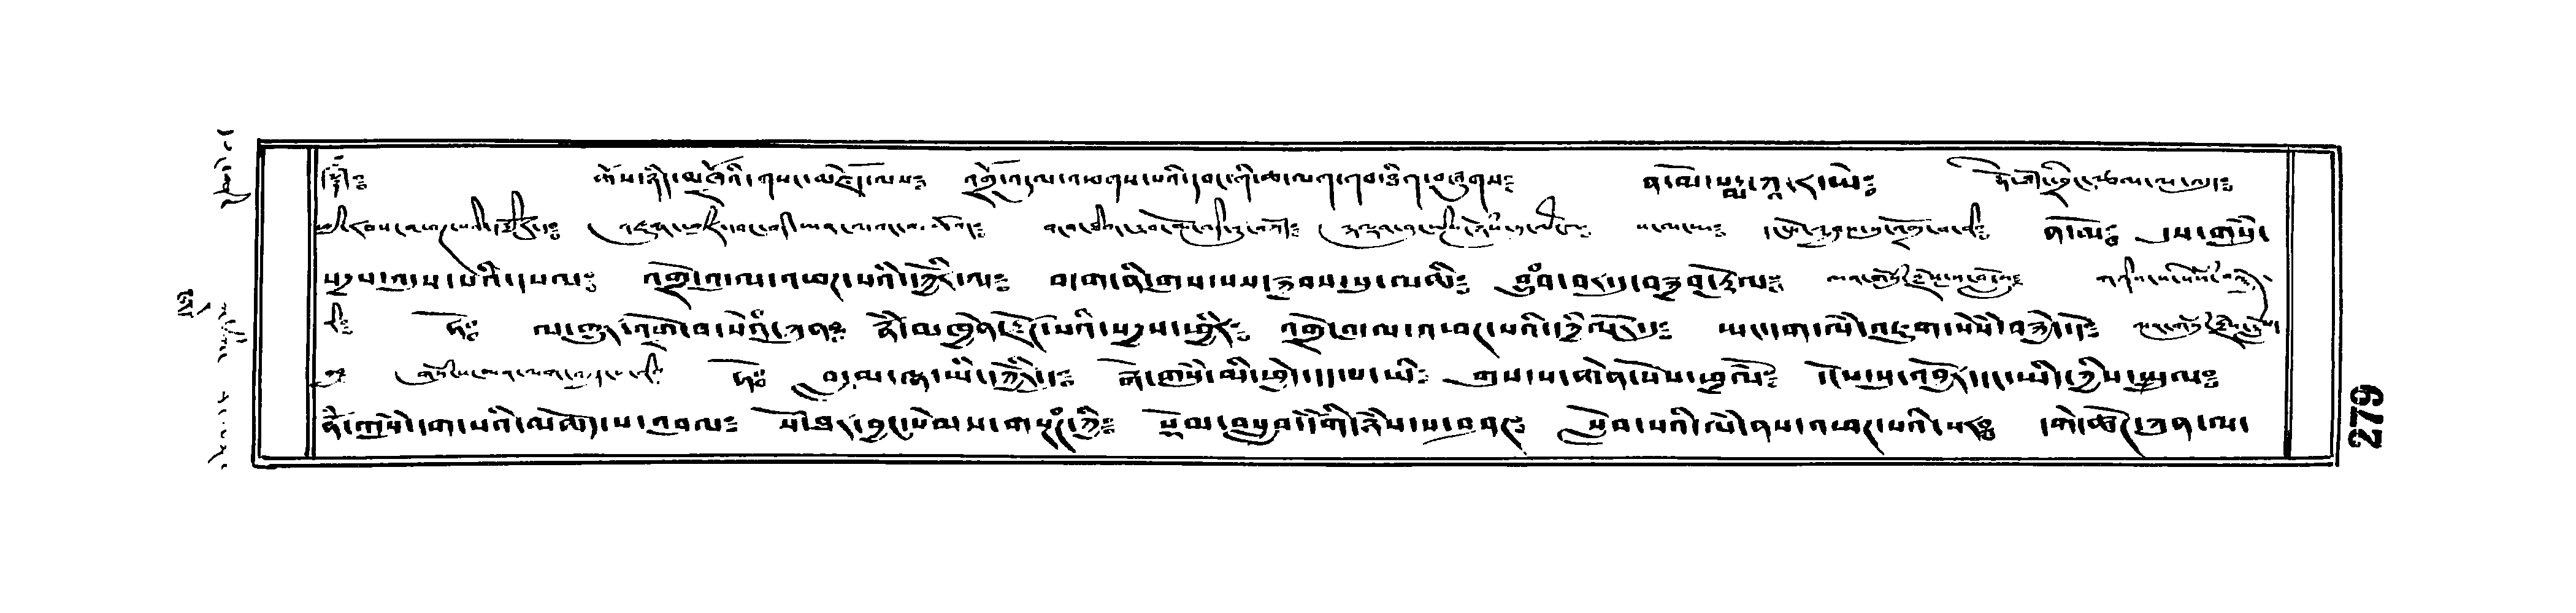ཆོས་ཉིད་མཁའ་འགྲོའི་གསང་མཛོད་ལས༔ འགྲོ་འདུལ་འཕགས་པའི་དབང་གི་ཆ་ལག་གབ་ཐིག་བཞུགས༔ ན་མོ་པདྨ་ཀཱ་ར་ཡེ༔ རྡོ་རྗེ་ཐོད་ཕྲེང་རྩལ་ལ་འདུད༔ 
ཕྱི་རབས་འཕགས་པའི་དཀྱིལ་འཁོར་དུ༔ འཇུག་ཕྱིར་དབང་གི་ཡན་ལག་མཆོག༔ གབ་ཐིག་ཟབ་མཽ་འདི་རུ་བཀོད༔ སྐལ་ལྡན་བུ་ཡིས་ཉམས་སུ་ལོངས༔ ས་མ་ཡ༔ དང་པོ་སྐྱབས་སུ་འགྲོ་བ་ནི༔ ན་མོ༔ དུས་གསུམ་
སངས་རྒྱས་འདུས་པའི་དཔལ༔ འགྲོ་འདུལ་འཕགས་པའི་དཀྱིལ་འཁོར་ལ༔ བདག་ནི་གུས་པས་སྐྱབས་སུ་མཆི༔ བྱང་ཆུབ་བར་དུ་བསྐྱབ་ཏུ་གསོལ༔ ལན་གསུམ་རྗེས་སུ་བཟློས༔ གཉིས་པ་སེམས་བསྐྱེད་
ནི༔ ཧོཿ མ་གྱུར་འགྲོ་བ་སེམས་ཅན་ཀུན༔ རྣམ་མཁྱེན་རྫོགས་པའི་སངས་རྒྱས་ཕྱིར༔ འགྲོ་འདུལ་འཕགས་པའི་དཀྱིལ་འཁོར་དུ༔ ཡང་དག་ལམ་འཇུག་སེམས་བསྐྱེད་དོ༔ ལན་གསུམ་རྗེས་ཟློས་
བྱ༔ གསུམ་པ་ཡན་ལག་བརྒྱད་པ་ནི༔ ཧོཿ བླ་མ་ལྷ་ཡི་དཀྱིལ་འཁོར་དུ༔ སྒོ་གསུམ་མི་ཕྱེད་དད་པ་ཡི༔ གུས་པ་ཆེན་པོས་ཕྱག་འཚལ་ལོ༔ དངོས་སུ་འབྱོར་དང་ཡིད་ཀྱིས་སྤྲུལ༔ 
རྣམ་གསུམ་དག་པའི་མཆོད་པ་འབུལ༔ སོ་ཐར་བྱང་སེམས་གསང་སྔགས་ཀྱི༔ སྡོམ་བསླབ་དམ་ཚིག་ཉམས་པ་བཤགས༔ སློབ་པའི་ལམ་ནས་འཕགས་པའི་སར༔ དགེ་ཚོགས་ཀུན་ལ་